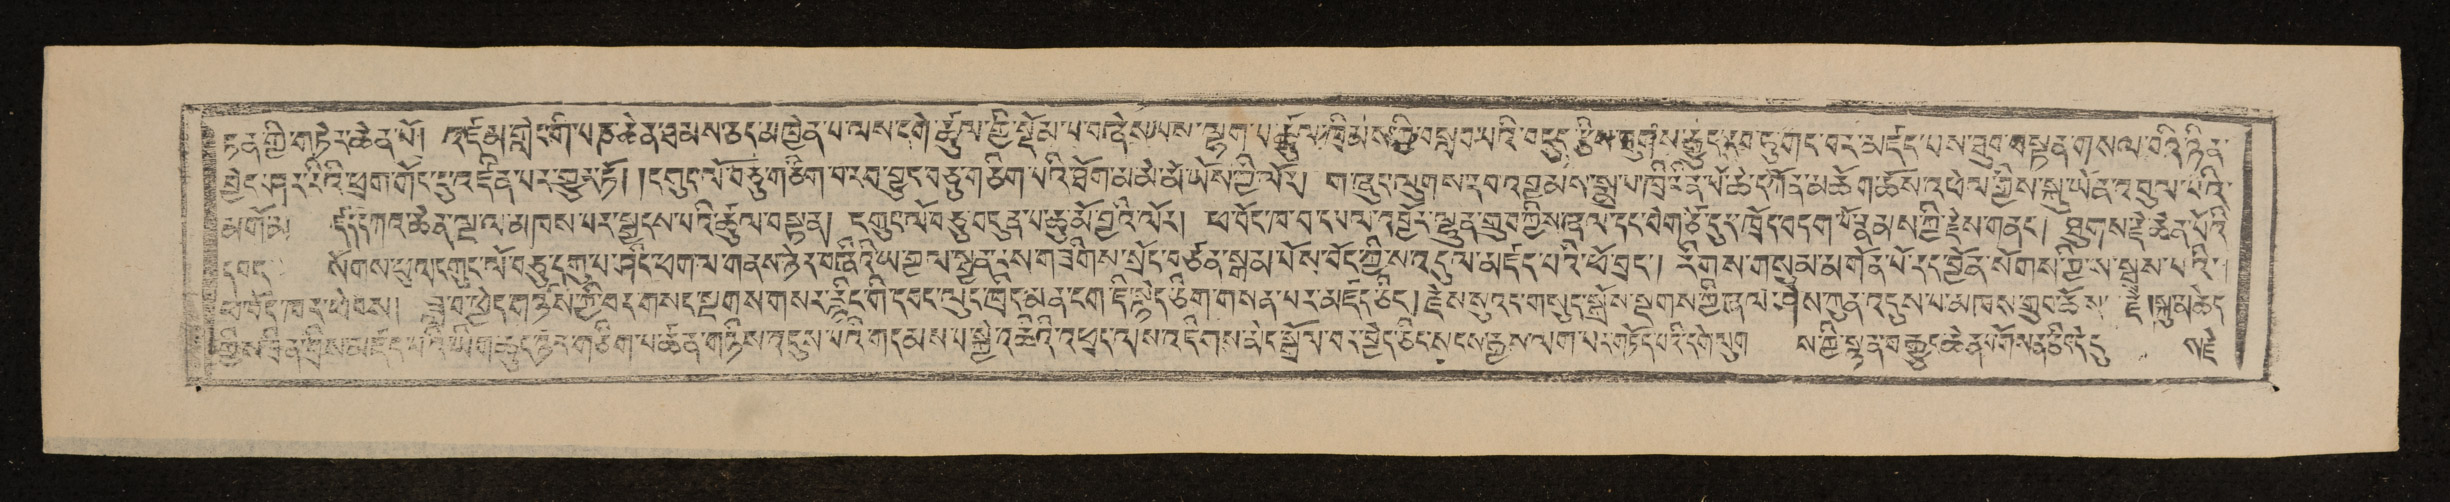ཏན་གྱི་གཏེར་ཆེན་པོ། འཛམ་གླིང་གི་པཎ་ཆེན་ཐམས་ཅད་མཁྱེན་པ་ལས་དགེ་ཚུལ་གྱི་སྡོམ་པ་བཞེས་པས་ལྷག་པ་ཚུལ་ཁྲིམས་ཀྱི་བསླབ་པའི་བདུད་རྩིས་ཐུགས་རྒྱུད་རབ་ཏུ་གང་བར་མཛད་པས་ཐུབ་བསྟན་གསལ་བའི་ཉིན་
བྱེད་ཤར་རིའི་ཕྲག་གོང་དུ་འཛིན་པར་གྱུར་ཏོ། །དགུང་ལོ་བཅུ་གཅིག་པ་རབ་བྱུང་བཅུ་གཅིག་པའི་ཐོག་མ་མེ་མོ་ཡོས་ཀྱི་ལོར། གཞུང་ལུགས་རབ་འབྱམས་སྨྲ་བ་ཁྲི་རིན་པོ་ཆེ་དཀོན་མཆོག་ཆོས་འཕེལ་གྱིས་སྐུ་ཡོན་འབུལ་བའི་
མགོ་མཛད། དཀའ་ཆེན་ལྔ་ལ་མཁས་པར་སྦྱངས་པའི་ཚུལ་བསྟན། དགུང་ལོ་བཅུ་བདུན་པ་ཆུ་མོ་བྱའི་ལོར། ཕ་བོང་ཁ་པ་དཔལ་འབྱོར་ལྷུན་གྲུབ་ཀྱིས་ཞལ་དང་བེ་གཙེ་དུར་ཁྲོད་བདག་པོ་རྣམས་ཀྱི་རྗེས་གནང་། ཐུགས་རྗེ་ཆེན་པོའི་
དབང་སོགས་ཕུལ། དགུང་ལོ་བཅུ་དགུ་པ་ཤིང་ཕག་ལ་གནས་ཉེར་བཞིའི་ཡ་གྱལ་སྤྱན་རས་གཟིགས་སྲོང་བཙན་སྒམ་པོས་བོད་ཀྱིས་འདུལ་མཛད་པའི་ཕོ་བྲང་། རིགས་གསུམ་མགོན་པོ་རང་བྱོན་སོགས་ཀྱིས་སྤྲས་པའི་
ཕ་བོང་ཁར་ཕེབས། ཟླ་བ་ཕྱེད་གཉིས་ཀྱི་བར་གསང་སྔགས་གསར་རྙིང་གི་དབང་ལུང་ཁྲིད་མན་ངག་ཇི་སྙེད་ཅིག་གསན་པར་མཛད་ཅིང་། རྗེས་སུའང་གསུང་སྒྲོས་སྔགས་ཀྱི་ཞལ་ཤེས་ཀུན་འདུས་པ་མཁས་གྲུབ་ཆོས་རྗེ་སྐུ་མཆེད་
ཀྱིས་ཟིན་བྲིས་མཛད་པའི་ཡིག་ཆུང་ཉེར་གཅིག་པ་ཚན་གཉིས་འདུས་པའི་གདམས་པ་སྐྱེ་འཆིའི་འཕྲང་ལས་འཇིགས་མེད་སྒྲོལ་བར་བྱེད་ཅིང་སངས་རྒྱས་ལག་པར་གཏོད་པའི་དགེ་ལུགས་ཀྱི་སྙན་བརྒྱུད་ཆེན་པོ་གསན་ཅིང་། དེ་དུས་རྗེ་